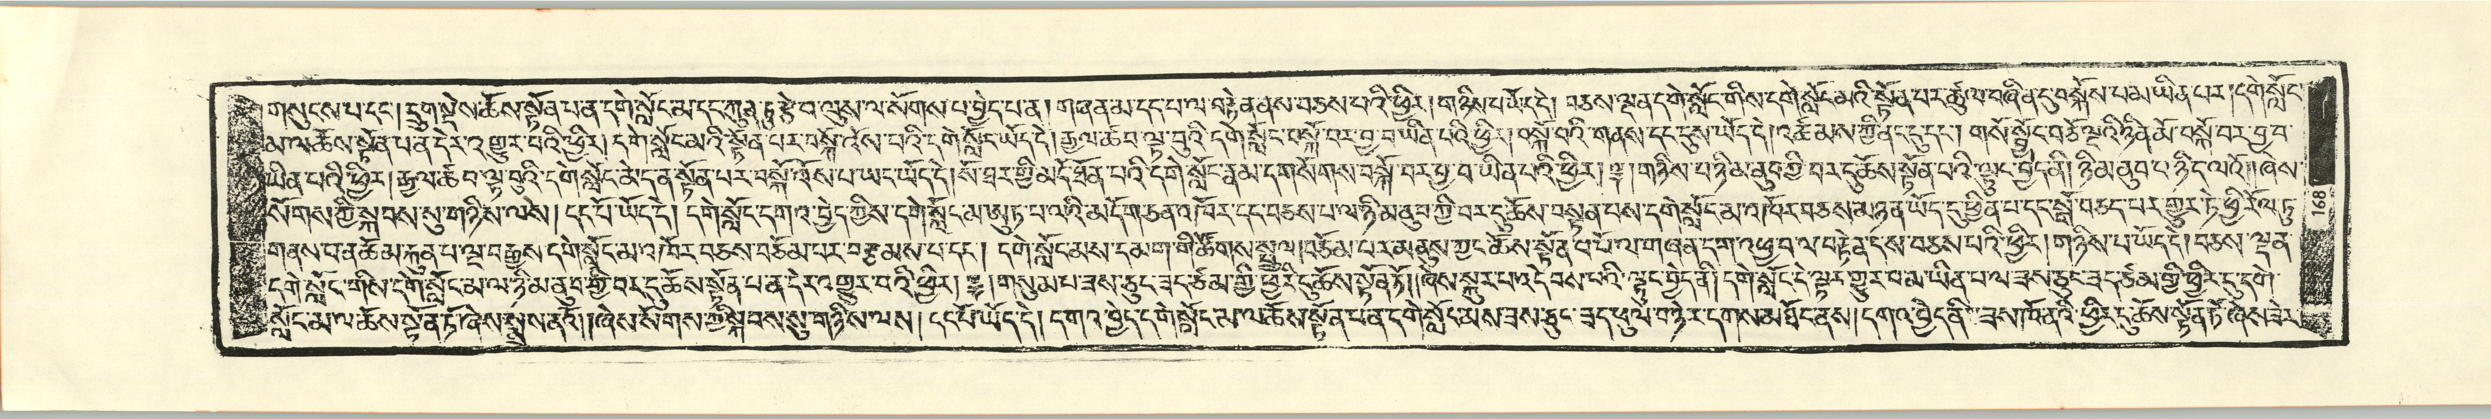གསུངས་པ་དང་། དྲུག་སྡེས་ཆོས་སྟོན་པ་ན་དགེ་སློང་མ་དང་ཀུན་ཏུ་རྩེ་བ་ལུས་ལ་སོགས་པ་བྱེད་པ་ན། གཞན་མ་དད་པ་ལ་བརྟེན་ནས་བཅས་པའི་ཕྱིར། གཉིས་པ་ཡོད་དེ། བཅས་ལྡན་དགེ་སློང་གིས་དགེ་སློང་མའི་སྟོན་པར་ཚུལ་བཞིན་དུ་བསྐོས་པ་མ་ཡིན་པར། དགེ་སློང་
མ་ལ་ཆོས་སྟོན་པ་ན་དེར་འགྱུར་བའི་ཕྱིར། དགེ་སློང་མའི་སྟོན་པར་བསྐོ་འོས་པའི་དགེ་སློང་ཡོད་དེ། རྒྱལ་ཚབ་ལྟ་བུའི་དགེ་སློང་བསྐོ་བར་བྱ་བ་ཡིན་པའི་ཕྱིར། བསྐོ་བའི་གནས་དང་དུས་ཡོད་དེ། འཚམས་ཀྱི་ནང་དུ་དང་། གསོ་སྦྱོང་བཅོ་ལྔའི་ཉིན་མོ་བསྐོ་བར་བྱ་བ་
ཡིན་པའི་ཕྱིར། རྒྱལ་ཚབ་ལྟ་བུའི་དགེ་སློང་མེད་ན་སྟོན་པར་བསྐོ་འོས་པ་ཡང་ཡོད་དེ། སོ་ཐར་གྱི་མདོ་ཐོན་པའི་དགེ་སློང་རྣམ་དག་སོགས་བསྐོ་བར་བྱ་བ་ཡིན་པའི་ཕྱིར། ༈ །གཉིས་པ་ཉི་མ་ནུབ་ཀྱི་བར་དུ་ཆོས་སྟོན་པའི་ལྟུང་བྱེད་ནི། ཉི་མ་ནུབ་པ་ཉིད་ལའོ། །ཞེས་
སོགས་ཀྱི་སྐབས་སུ་གཉིས་ལས། དང་པོ་ཡོད་དེ། དགེ་སློང་དགའ་བྱེད་ཀྱིས་དགེ་སློང་མ་ཨུ་ཏ་པ་ལའི་མདོག་ཅན་འཁོར་དང་བཅས་པ་ལ་ཉི་མ་ནུབ་ཀྱི་བར་དུ་ཆོས་བསྟན་པས་དགེ་སློང་མ་འཁོར་བཅས་མཉན་ཡོད་དུ་ཕྱིན་པ་དང་སྒོ་བཅད་པར་གྱུར་ཏེ་ཕྱི་རོལ་ཏུ་
གནས་པ་ན་ཆོམ་རྐུན་པ་ལྔ་བརྒྱས་དགེ་སློང་མ་འཁོར་བཅས་བཅོམ་པར་བརྩམས་པ་དང་། དགེ་སློང་མས་དམག་གི་ཚོགས་སྤྲུལ། བཅོམ་པར་མ་ནུས་ཀྱང་ཆོས་སྟོན་པ་པོ་ལ་གཞན་དག་འཕྱ་བ་ལ་བརྟེན་དས་བཅས་པའི་ཕྱིར། གཉིས་པ་ཡོད་དེ། བཅས་ལྡན་
དགེ་སློང་གིས་དགེ་སློང་མ་ལ་ཉི་མ་ནུབ་གྱི་བར་དུ་ཆོས་སྟོན་པ་ན་དེར་འགྱུར་བའི་ཕྱིར། ༈ །གསུམ་པ་ཟས་ཅུང་ཟད་ཙམ་གྱི་ཕྱིར་དུ་ཆོས་སྟོན་ཏོ། །ཞེས་སྐུར་པ་འདེབས་པའི་ལྟུང་བྱེད་ནི། དགེ་སློང་དེ་ལྟར་གྱུར་བ་མ་ཡིན་པ་ལ་ཟས་ཅུང་ཟད་ཙམ་གྱི་ཕྱིར་དུ་དགེ་
སློང་མ་ལ་ཆོས་སྟོན་ཏོ་ཞེས་སྨྲས་ནའོ། །ཞེས་སོགས་ཀྱི་སྐབས་སུ་གཉིས་ལས། དང་པོ་ཡོད་དེ། དགའ་བྱེད་དགེ་སློང་མ་ལ་ཆོས་སྟོན་པ་ན་དགེ་སློང་མས་ཟས་ཅུང་ཟད་ཕུལ་བ་ཉེར་དགས་མཐོང་ནས། དགའ་བྱེད་ནི་ཟས་ཁོ་ནའི་ཕྱིར་དུ་ཆོས་སྟོན་ཏོ་ཞེས་ཟེར་